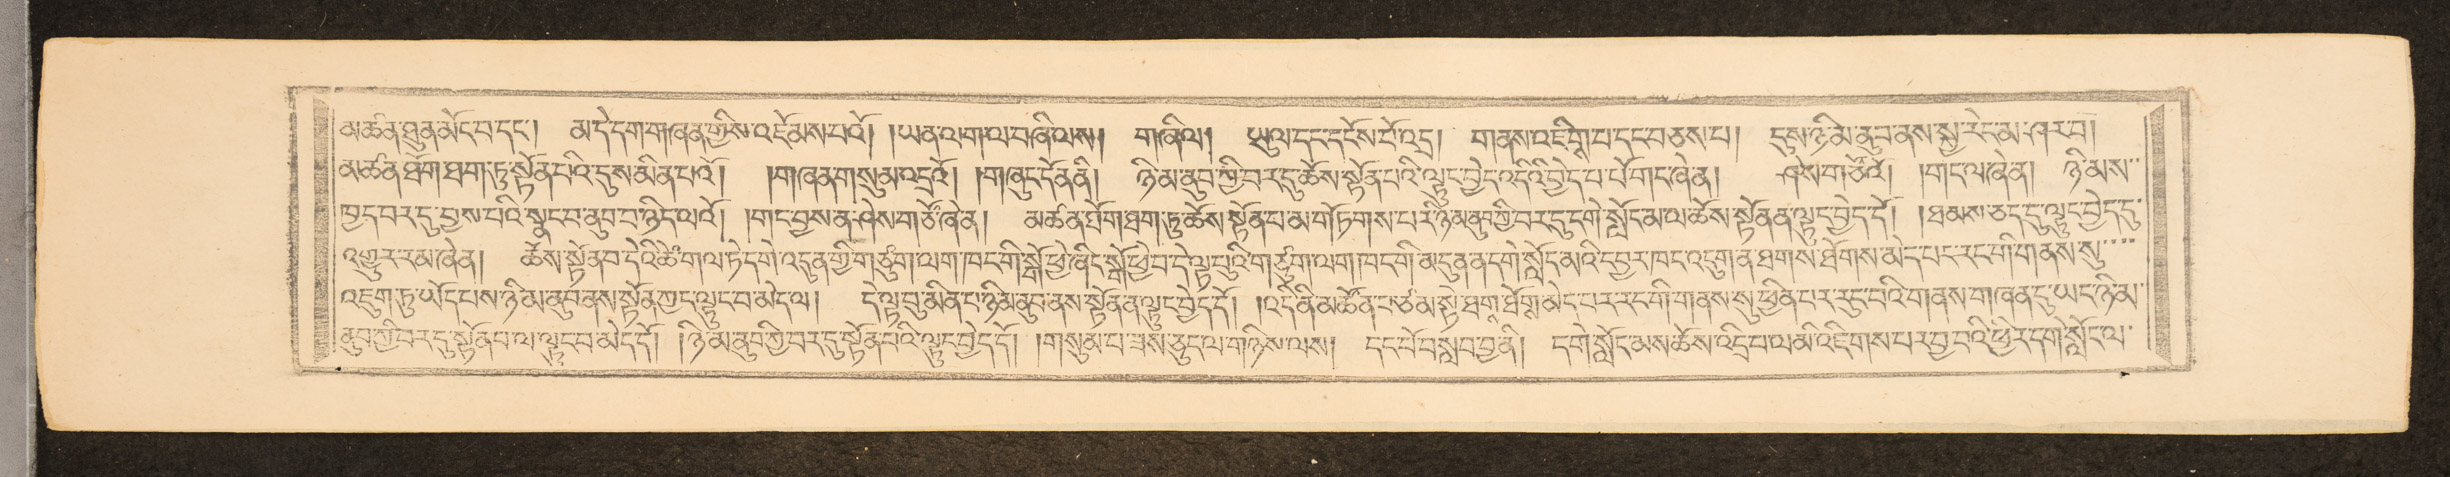མཚན་ཐུན་མོང་བ་དང་། མ་དེ་དག་གཞན་གྱིས་འཇོམས་པའོ། །ཡན་ལག་ལ་བཞི་ལས། གཞི་ལ། ཡུལ་དང་དངོས་པོ་འདྲ། གནས་འཇིགས་པ་དང་བཅས་པ། དུས་ཉི་མ་ནུབ་ནས་སྐྱ་རེང་མ་ཤར་བ།
མཚན་ཐོག་ཐག་ཏུ་སྟོན་པའི་དུས་མིན་པའོ། །གཞན་གསུམ་འདྲའོ། །གཞུང་དོན་ནི། ཉི་མ་ནུབ་ཀྱི་བར་དུ་ཆོས་སྟོན་པའི་ལྟུང་བྱེད་འདིའི་བྱེད་པ་པོ་གང་ཞེ་ན། ཤེས་གཙོའོ། །གང་ལ་ཞེ་ན། ཉི་མས་
ཁྱད་པར་དུ་བྱས་པའི་སྣང་བ་ནུབ་པ་ཉིད་ལའོ། །གང་བྱས་ན་ཤེས་གཙོ་ཞེ་ན། མཚན་ཐོག་ཐག་ཏུ་ཆོས་སྟོན་པ་མ་གཏོགས་པར་ཉི་མ་ནུབ་ཀྱི་བར་དུ་དགེ་སློང་མ་ལ་ཆོས་སྟོན་ན་ལྟུང་བྱེད་དོ། །ཐམས་ཅད་དུ་ལྟུང་བྱེད་དུ་
འགྱུར་རམ་ཞེ་ན། ཆོས་སྟོན་པ་དེའི་ཚེ་གལ་ཏེ་དགེ་འདུན་གྱི་གཙུག་ལག་ཁང་གི་སྒོ་ཕྱེ་ཞིང་སྒོ་ཕྱེ་བ་དེ་ལྟ་བུའི་གཙུག་ལག་ཁང་གི་མདུན་ན་དགེ་སློང་མའི་དབྱར་ཁང་འདུག་ན་ཐགས་ཐོགས་མེད་པར་རང་གི་གནས་སུ་
འཇུག་ཏུ་ཡོད་པས་ཉི་མ་ནུབ་ནས་སྟོན་ཀྱང་ལྟུང་བ་མེད་ལ། དེ་ལྟ་བུ་མིན་པ་ཉི་མ་ནུབ་ནས་སྟོན་ན་ལྟུང་བྱེད་དོ། །འདི་ནི་མཚོན་པ་ཙམ་སྟེ་ཐགས་ཐོགས་མེད་པར་རང་གི་གནས་སུ་ཕྱིན་པར་རུང་བའི་གནས་གཞན་དུ་ཡང་ཉི་མ་
ནུབ་ཀྱི་བར་དུ་སྟོན་པ་ལ་ལྟུང་བ་མེད་དོ། །ཉི་མ་ནུབ་ཀྱི་བར་དུ་སྟོན་པའི་ལྟུང་བྱེད་དོ། །གསུམ་པ་ཟས་ཅུང་ལ་གཉིས་ལས། དང་པོ་བསླབ་བྱ་ནི། དགེ་སློང་མས་ཆོས་འདྲི་པ་ལ་མི་འཇིགས་པར་བྱ་བའི་ཕྱིར་དགེ་སློང་ལ་